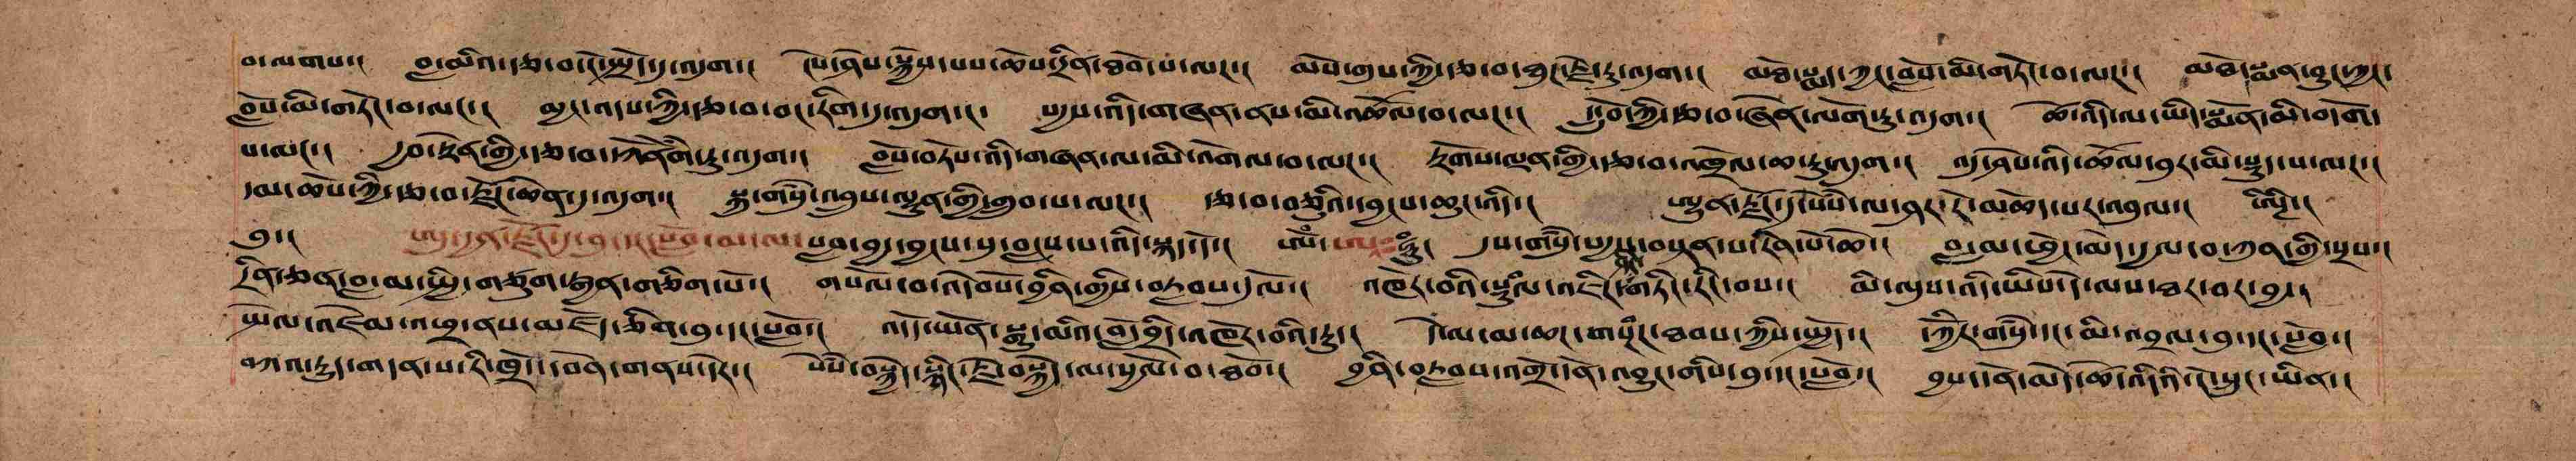བ་ལགས། བླ་མའི་རྩ་བ་ངོ་སྤྲོད་དུ་འདུག། ངེས་ཤེས་སྐྱེས་པས་ཆོས་དྲིན་ཐོབ་པ་ལགས། མོས་གུས་ཀྱི་རྩ་བ་ཐུགས་རྗེ་རུ་འདུག མཐོ་སྨད་ཀྱང་བློས་མི་གཏོང་བ་ལགས། མཐོ་སྨན་བྱུང་ཀྱང་
བློས་མི་གཏོང་བ་ལགས། མྱང་འདས་ཀྱི་རྩ་བ་བང་རིག་དུ་འདུག་ང་། སངས་རྒྱས་འདི་གཞན་ནས་མི་འཚོལ་བ་ལགས། དངོས་གྲུབ་ཀྱི་རྩ་བ་ཞེན་ལོག་ཏུ་འདུག། ཚེ་འདི་ལ་ཡིད་སྨོན་མི་བདོག་
པ་ལགས། རྒྱབ་རྟེན་གྱི་རྩ་བ་དཀོན་མཆོག་གི་རུ་འདུག བློས་བཏོས་འདི་གཞན་ལ་མི་འགོལ་བ་ལགས། རྟོགས་ལྡན་གྱི་རྩ་བ་འཁྲོལ་ཆ་རུ་འདུག འདུ་ཤེས་འདི་ཚོལ་བུར་མི་སྡུད་པ་ལགས། 
དམ་ཆོས་ཀྱི་རྩ་བ་བ་རྫོགས་ཆེན་དུ་འདུག སྐུ་གསུམ་འབྲས་བུས་ལྷུན་གྱི་གྲུབ་པ་ལགས། རྩ་བ་བཅུའི་དབྱངས་ཆུང་འདི། ཨ་ལྷུན་རྫོགས་དུ་སེམས་ལ་ཤར་རོ་མཆོད་པར་འབུལ། ཨིཊི། 
༄་། ཨུ་རྒྱན་རྫོང་དུ་བུ་དང་སློབ་མ་ལ་སླབ་བྱ་དབྱངས་སུ་བླངས་པ་འདི་སྐད་དོ། ཨོཾ་ཨཿཧཱུཾ། དུས་གསུམ་སངས་རྒྱས་བསྟན་པ་རིན་པོ་ཆེ། བླ་མ་ཕྱོགས་མེད་རྒྱལ་བ་ཀུན་གྱི་སྲས། 
དྲིན་ཅན་བླ་མ་སྤྱི་གཙུག་རྒྱན་གཅིག་པོ། གསོལ་བ་འདེབས་སོ་བྱིན་གྱིས་བརླབས་དུ་གསོལ། འཁོར་བའི་སྡུག་བསྔལ་འཇིགས་ཤིང་གཏིང་རིང་བས། མི་ལུས་འདི་ཡིས་དེ་ལས་ཐར་བར་བྱ། 
སྤེལ་འཛེམ་འཕྲ་ནས་མཛོད་ཅིག་བུ་དང་སློབ། འདོད་ཡོན་སྒྱུ་མའི་བློ་བྲིད་འཁོར་བའི་རྒྱུ། དེ་ལ་མ་ཆགས་གསང་སྔགས་ཐབས་ཀྱིས་སྤྱོད། དཀྱིལ་འཁོར་གསུམ་དང་མི་འབྲལ་བུ་དང་སློབ། 
བཀའ་དྱུད་གདན་ས་རི་ཁྲོད་དབེན་གནས་དེར། སེམས་བསྐྱེད་སྙིང་རྗེ་བསྐྱེད་ལ་གསོལ་བ་ཐོབ། བྱིན་བརླབས་འགྲོ་དོན་འབྱུང་གིས་བུ་དང་སློབ། བྱས་དོན་མེད་ཚེ་འདིའི་ངོ་སྲུང་ཡིན།